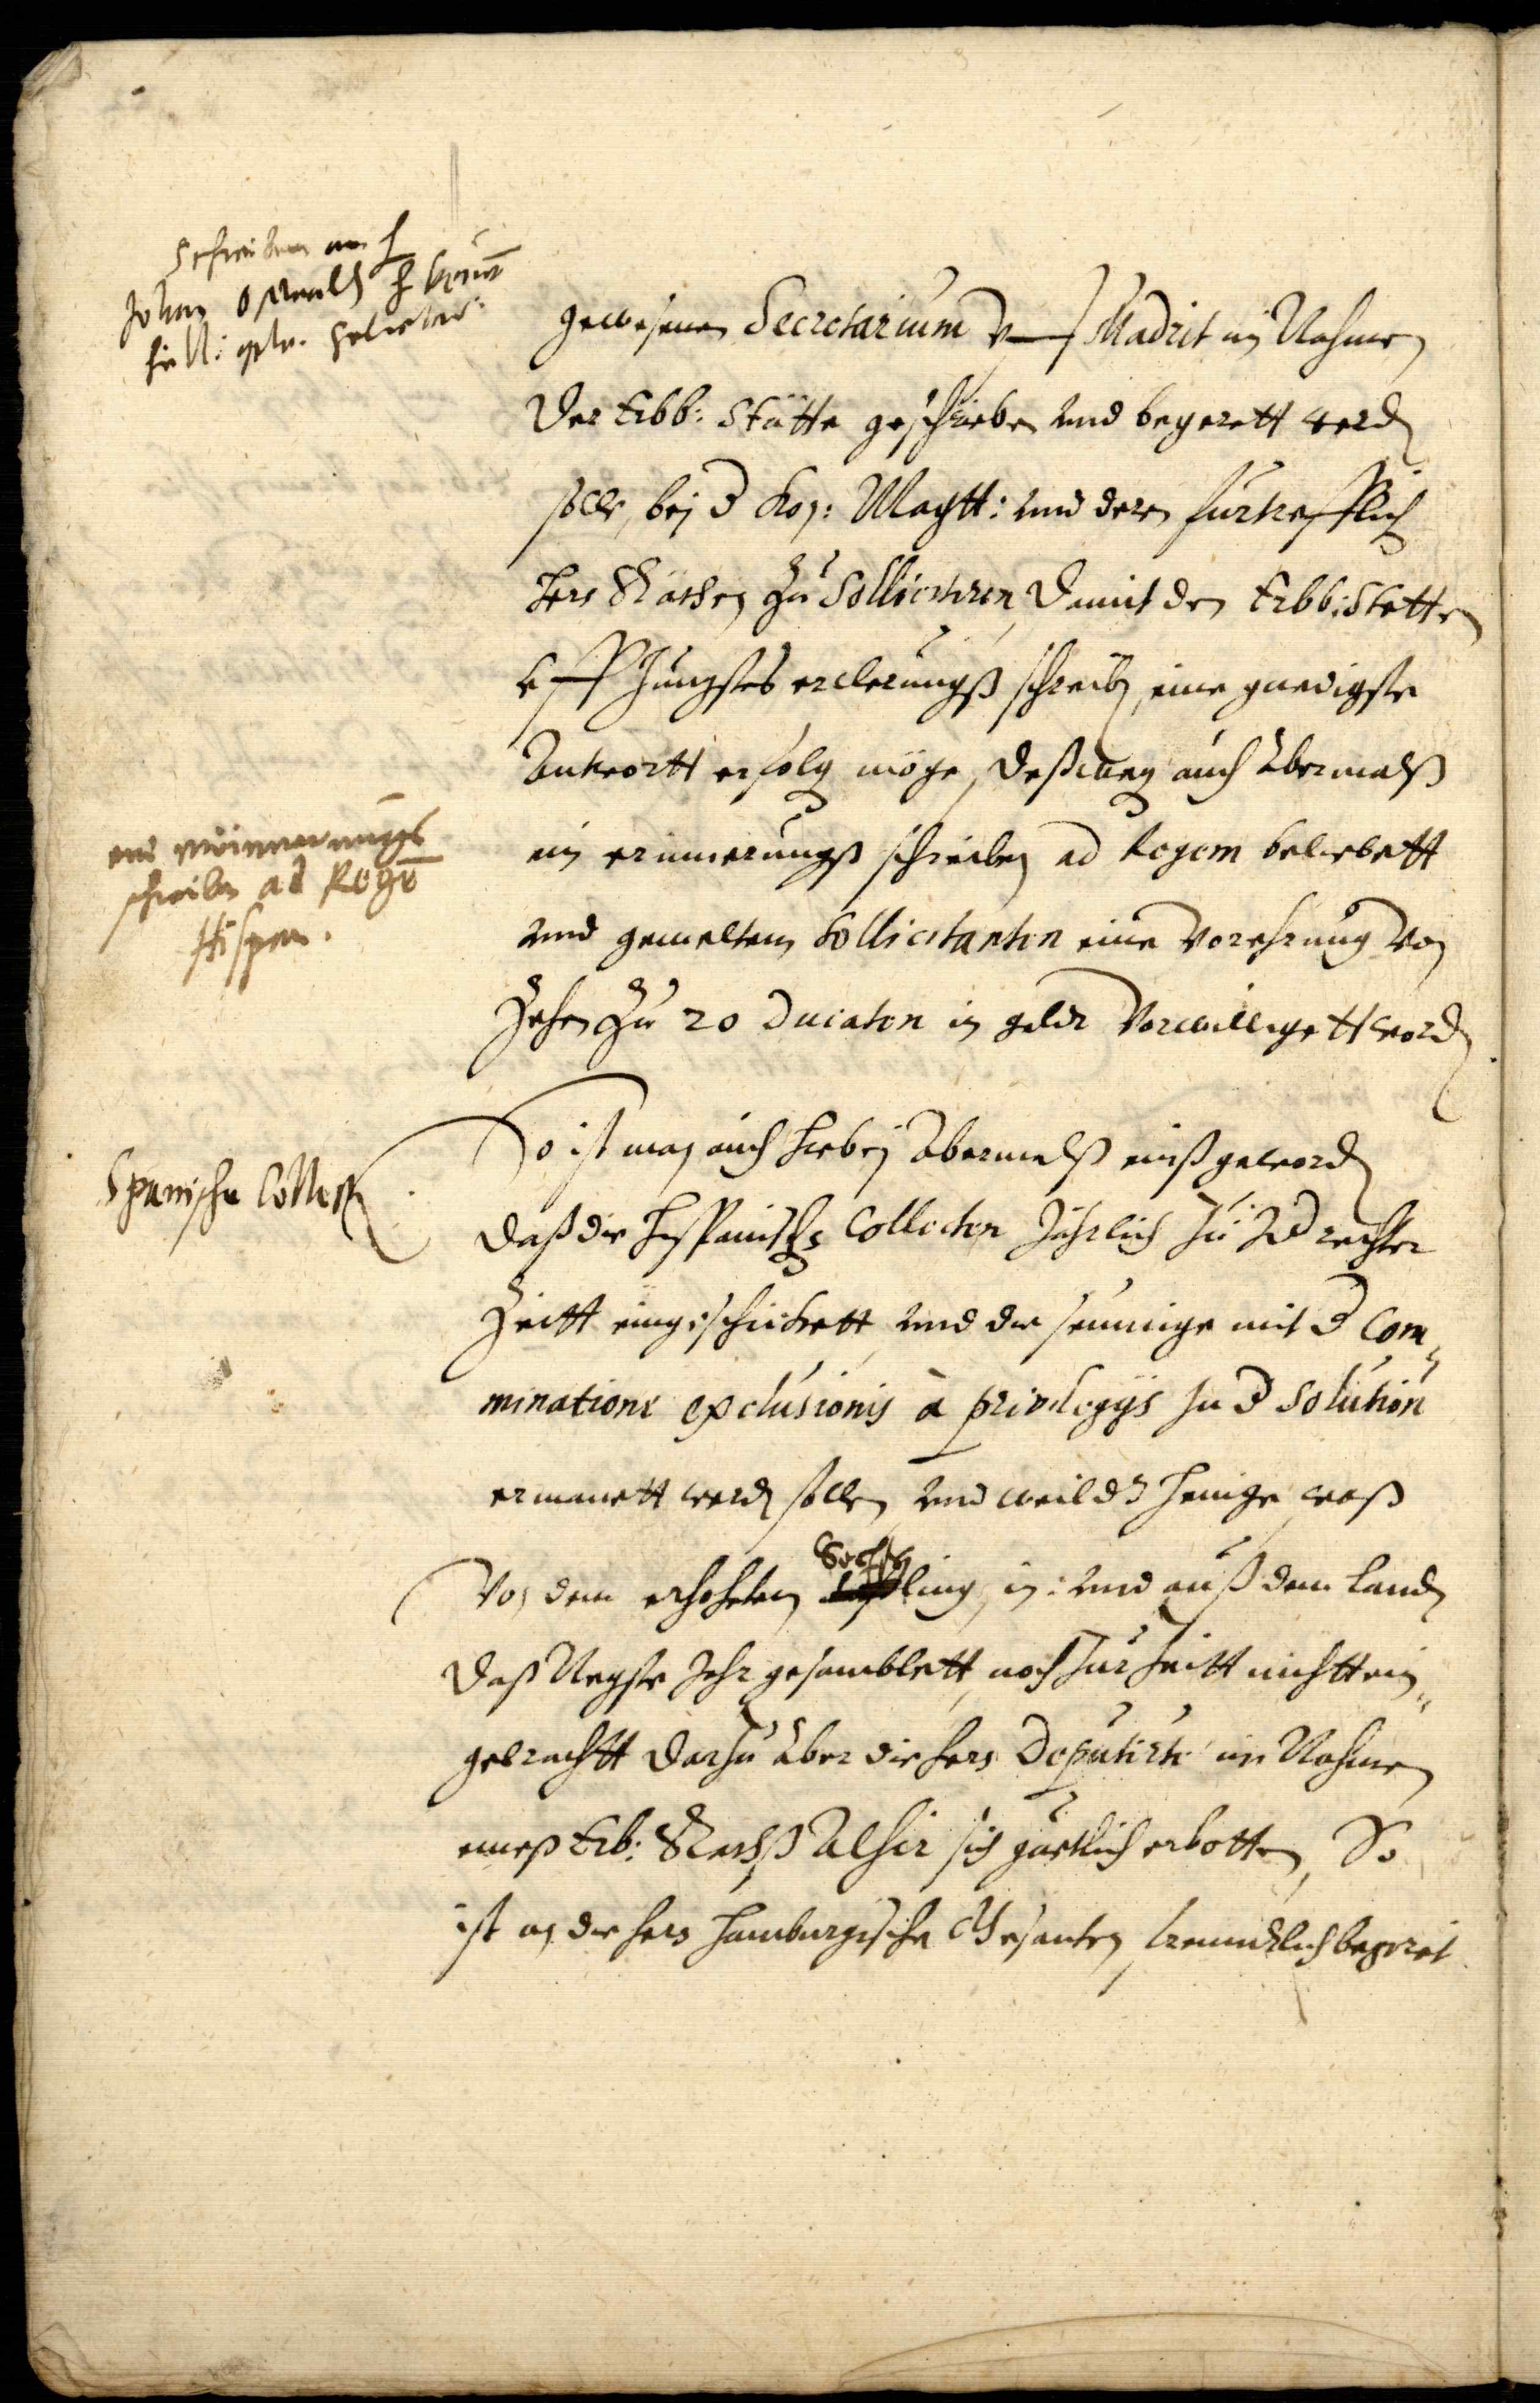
Schreiben an h
Johnen Oswald h keuen
hull. getr. solieter
gewesenen Secretarium vff Madrit in Nahmen
der Erbb: Stätte geschrieben vnd begerett werden
solle bej der Kon: Maytt: vnd deren furtrefflichen
Herr Räthen zu Sollicitiren Damit den Erbb: Stette
vff Jungstes erclerungß schreiben, eine gnedigste
Antwortt erfolgen möge, deßwegen auch Abermalß
ein erinnerungß schreiben ad Regem beliebett
und gemeltem Sollicitanten eine Vorehrung von
Zehen zu 20 Ducaten in geldt Vorwilligett worden
ein erinnerungs
schreiben ad Regem
Hispan.
Spanische Collecten
So ist man auch hiebej Abermalß einß geworden
daß die hispanischen Collecten Jährlich zu Ider rechten
Zeitt eingeschickett vnd die seinige mit der Com¬
minatione exclusionis à privilegijs zu der solution
ermanett werden sollen vnd weil das Jenige waß
Von dem erhoheten AußSechtsling, in: vnd auß dem Landt
daß Negste Jahr gesamblett noch zur Zeitt nichtten,
gebrachtt darzu Aber die hern Deputirte im Nahmen
eineß Erb. Rathß Alhir sich guetlich erbotten, So
ist an die hern hamburgische Gesanten freundtlich begeret
